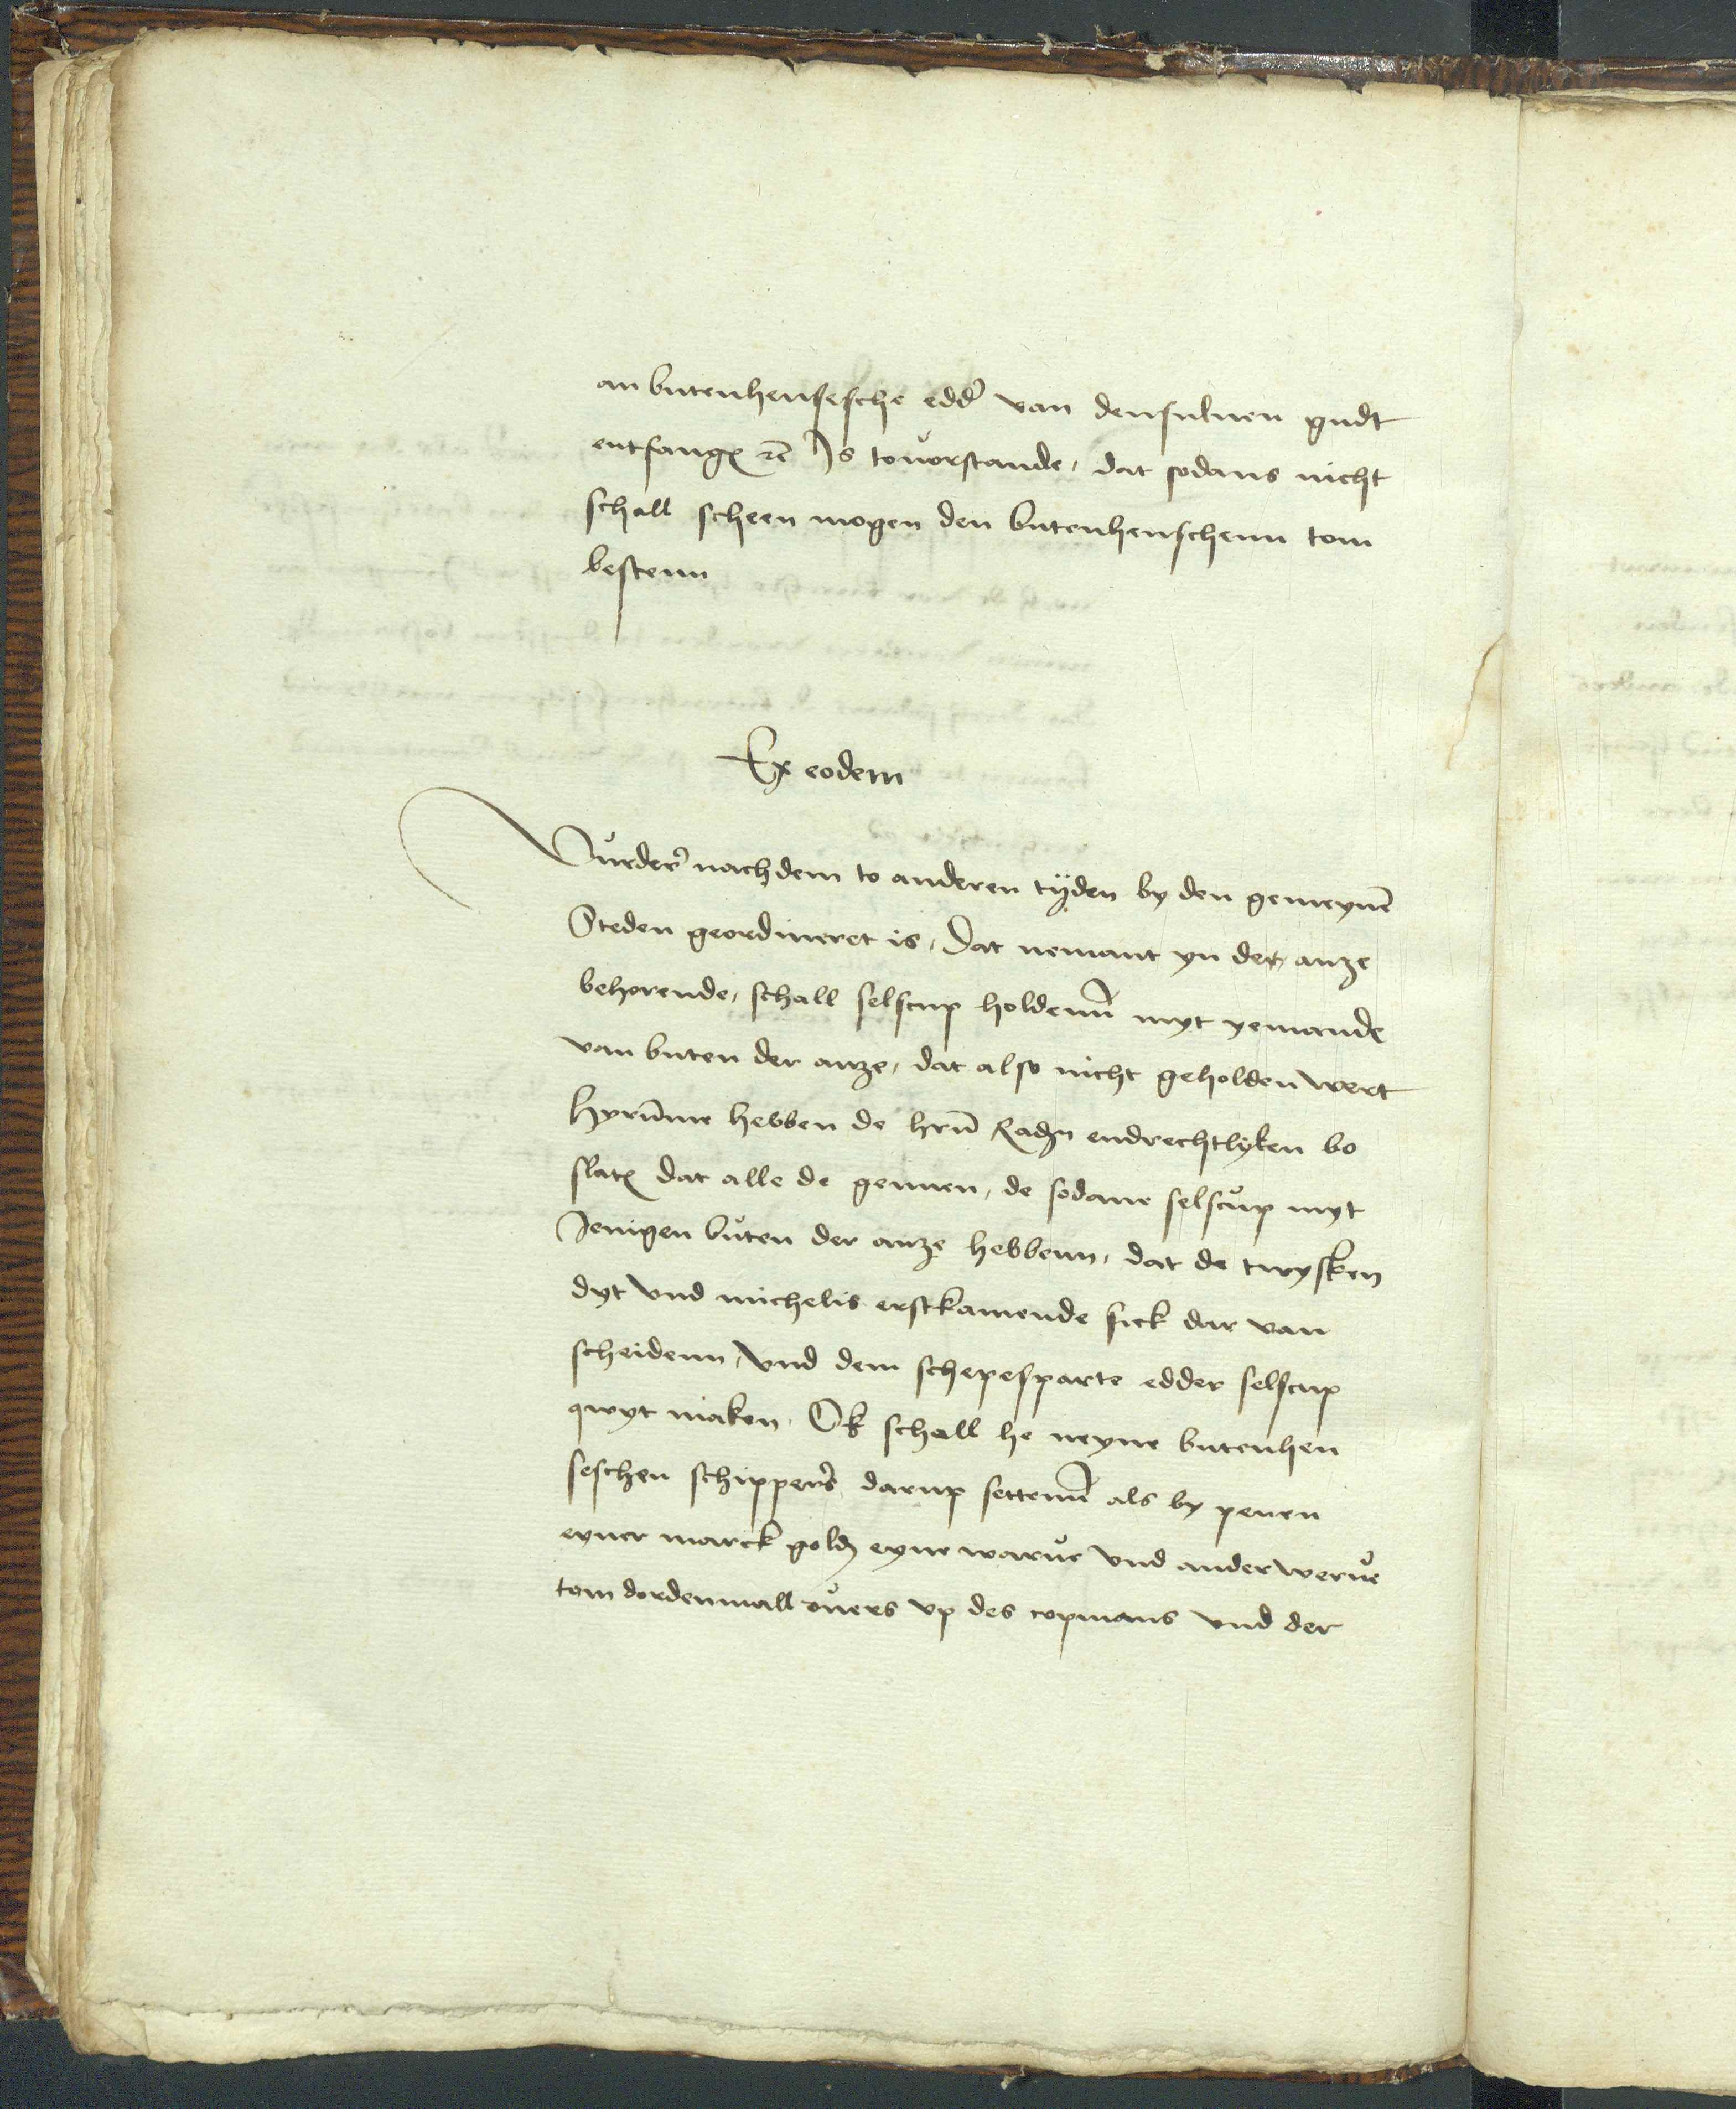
an butenhensesche edder van densuluen gudt
entfange etc Js to uorstande, dat sodans nicht
schall scheen mogen den butenhenseschen tom
bestenn
Ex eodem
Vurder nachdem to anderen tijden by den gemeinen
Steden geordinert is, dat nemant yn der anze
behorende, schall selscup holdenn myt yemande
van buten der anze, dat also nicht geholden wert
hyrumme hebben de hern Radessendebaden endrechtliken bo
slaten dat alle de gennen, de sodane selscup myt
Jenigen buten der anze hebben, dat de twysken
dyt vnd michelis erstkamende syck dar van
scheidenn, vnd dem schepesparte edder selscup
qwyt maken, Ok schall he neyne butenhen¬
seschen schippers darup settenn als by penen
eyner marck goldes eyne warue vnd anderwerue
tom dordenmall ouers vp des copmans vnd der
